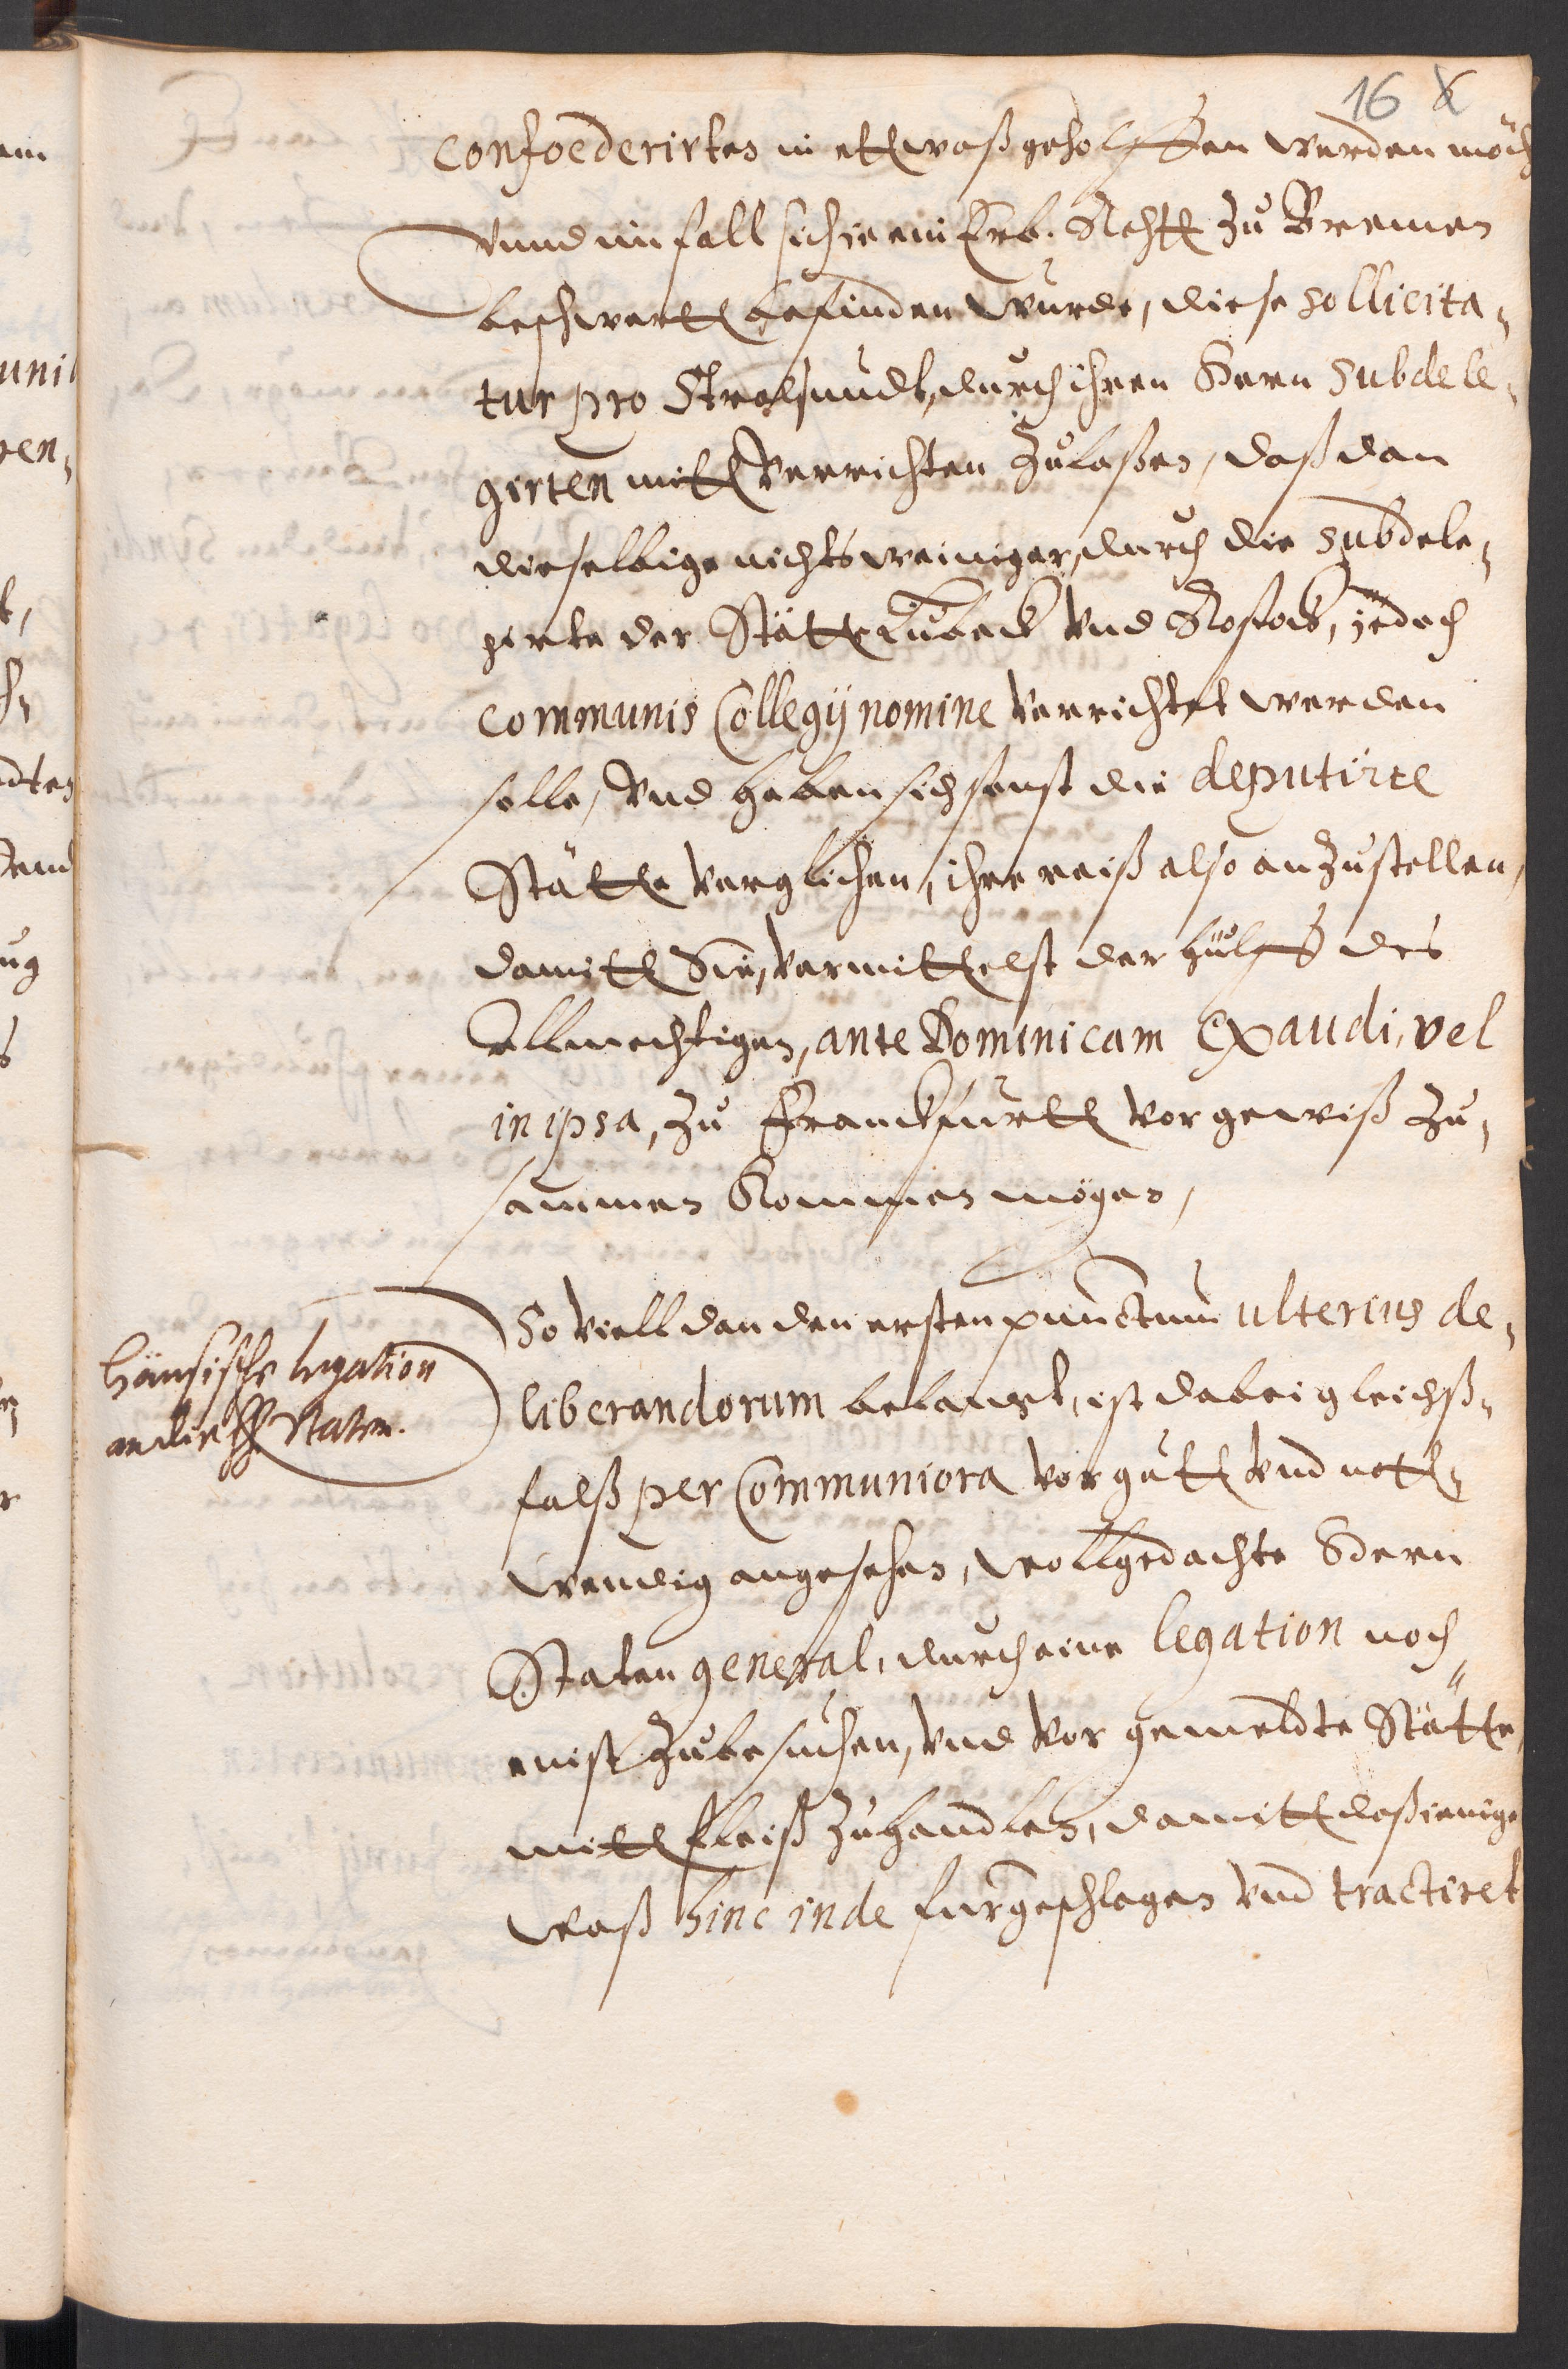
confoederirten in ettwaß gehoffen werden möch
vnnd im fall sich ie ein Erb. Rahtt zu Bremen
beschwertt befinden wurde, diese sollicita¬
tur pro Stralsundt, durch ihren Hern subdele¬
girten mitt Verrichten zulaßen, daß dan
dieselbige nichts weiniger, durch die subdele¬
girte der Stätte Lubeck vnd Rostock, jedoch
communis Collegij nomine verrichtet werden
solle, vnd haben sich sonst die deputirte
Stätte verglichen, ihre reiß also anzustellen,
damitt Sie, vermittelst der hülff des
allmechtigen, ante Dominicam exaudi, vel
in ipsa, zu Franckfurtt vor gewiß zu¬
sammen kommen mögen,
Hänsische legation
andie hh staten.
So viell dan den ersten punctum ulterius de¬
liberandorum belangt, ist dabei gleichß¬
falß per Communiora vor gutt vnd nott¬
wendig angesehen, wollgedachte Hern
Staten general, durch eine legation noch
einst zubesuchen, vnd vor gemeldte Stätte
mitt fleiß zuhandlen, damitt deßienige
waß hinc inde furgeschlagen vnd tractiret
